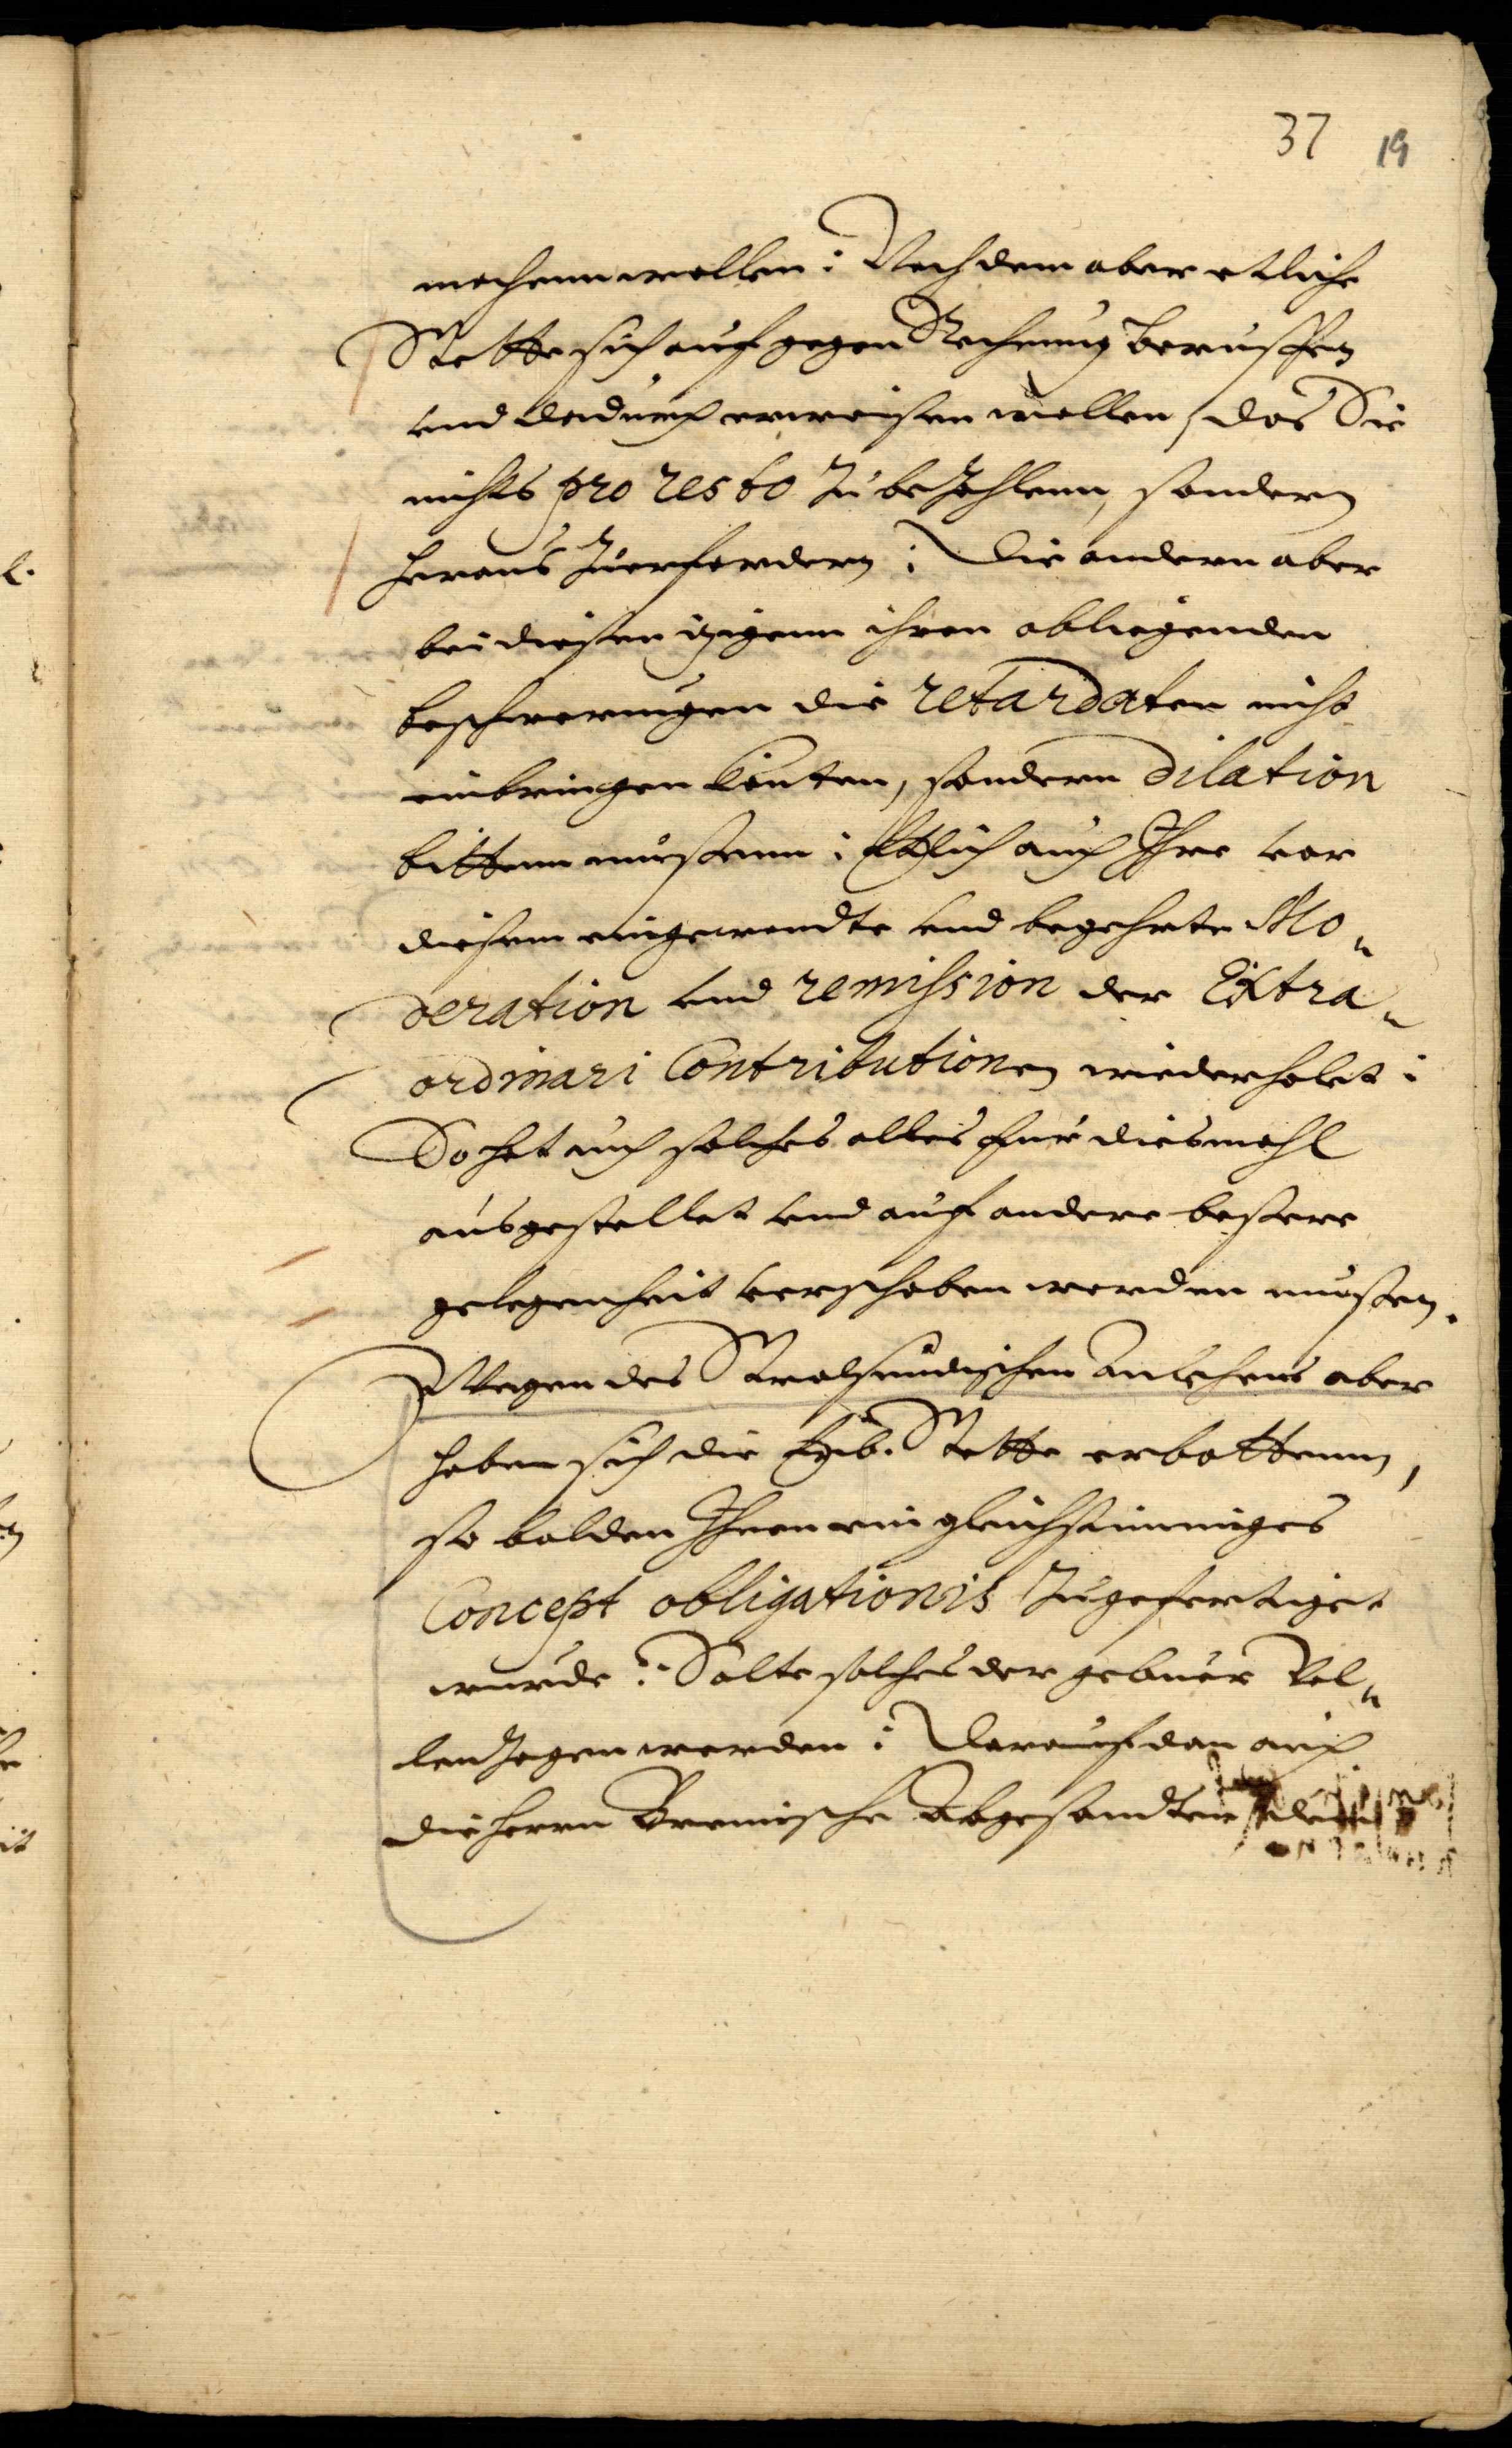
37
machenn wollen: Nach dem aber etliche
Stette sich auf gegen Rechnung beruffen
vnd dadurch erweisen wollen, das Sie
nichts pro resto zu bezahlenn, sonderen
heraus zuerfordern: Die anderen aber
bei dießen itzigenn ihren obliegenden
beschwerungen die retardaten nicht
einbringen könten, sondern dilation
bittenn mußenn: Etlich auch Ihre vor
diesem eingewandte vnd begehrte Mo¬
deration vnd remission der Extra¬
ordinari Contributionen wiederholet:
So hat auch solches alles fur diesmahl
ausgestellet vnd auf andere beßere
gelegenheit verschoben werden mußen.
Wegen des Stralsundlichen Anlehens aber
haben sich die Erb. Stette erbottenn,
so haben Ihnen ein gleichstimmiges
Concept obligationis zugefertiget
wurde: Solte solches der gebuer Vol¬
lenzogen werden: Darauf dan auch
die herrn Bremische Abgesandten dem
